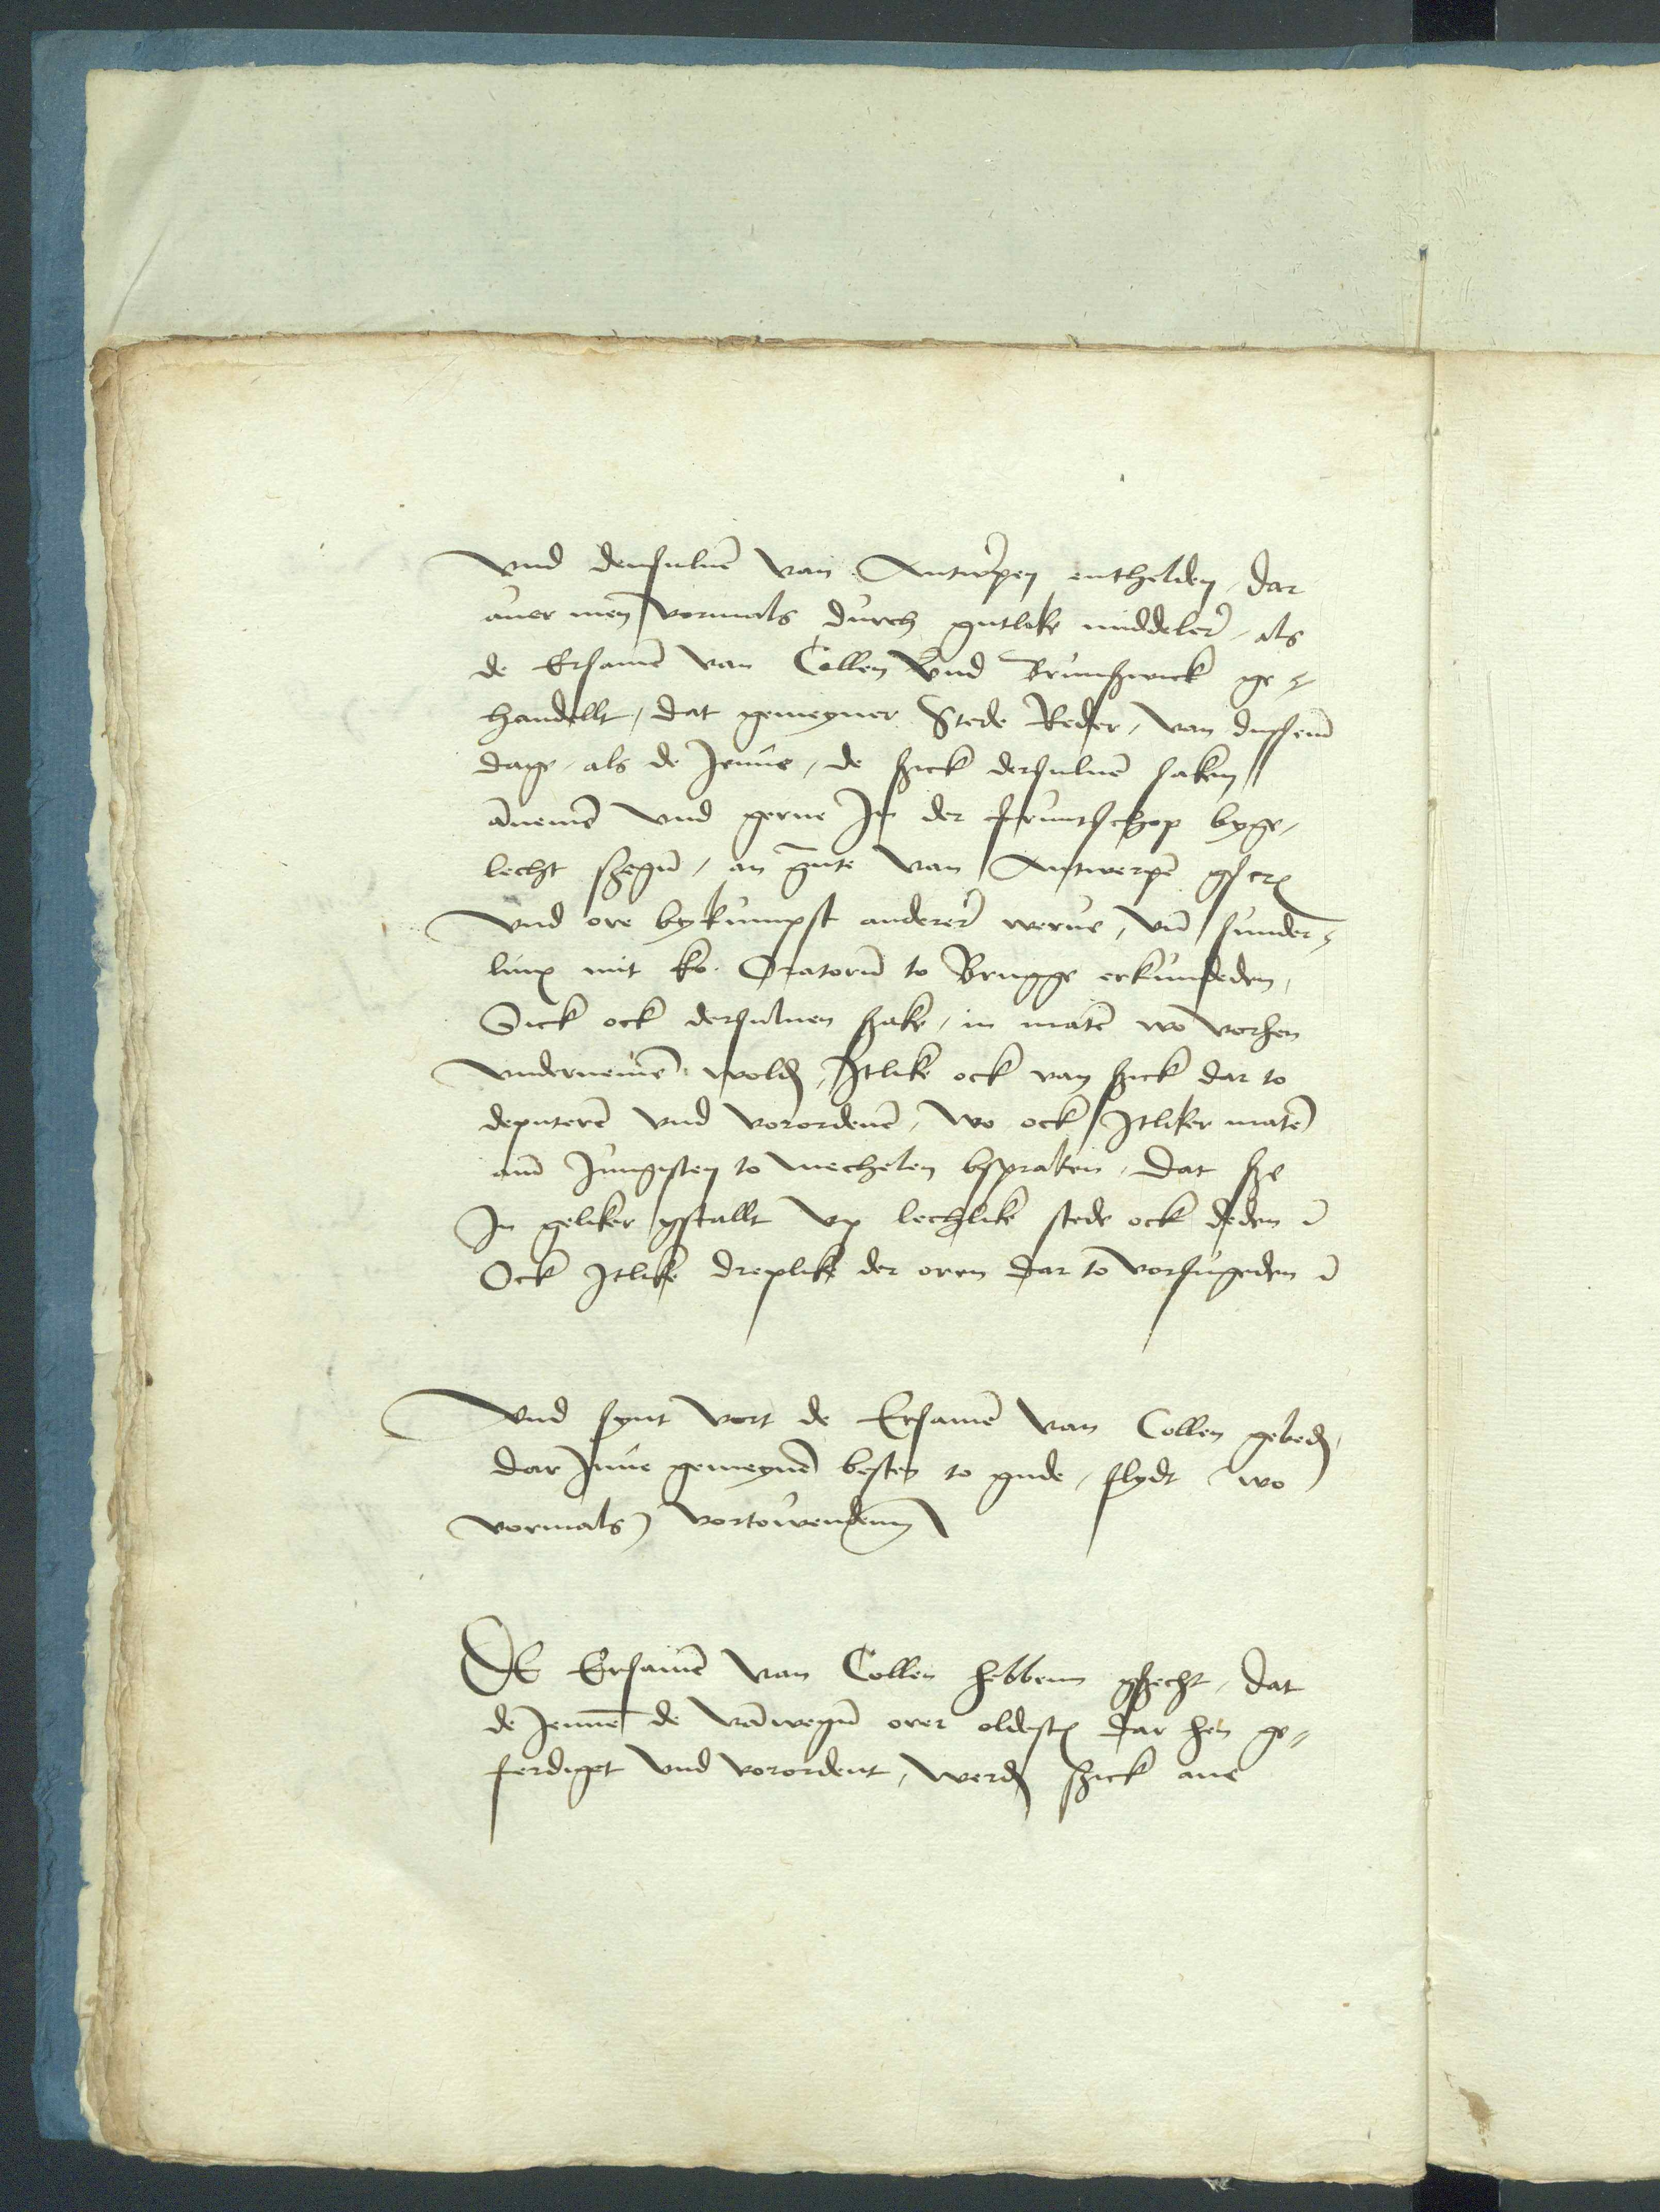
vnd densuluen van Antwerpen enthelden dar
auer men vormals durch gutlike meddeler als
de Ersamen van Collen vnd Brunswick ge¬
handellt, dat gemeyner Stede Reder, van dussem
dage, als de Jenne, de ßick densuluen saken
annemen vnd gerne Jn der fruntschop byge¬
lecht ßegen, an genante van Antwerpen gscreuen
vnd ore bykumpst anderer werue, vnd sunder¬
lingen mit ko. Oratoren to Brugge erkundeden,
Sick ock dersuluen ßake, in maten wo vorhen
vndernamen wolden, Jtlike ock van ßick dar to
deputeren vnd vorordenen, wo ock Jtliker maten
am Jungsten to mechelen bspraken, dat ße
Jn geliker gstallt vp lechlicke stede ock deden etcetera
Ock Jtlike dreplike der oren dar to vorfugeden etcetera
Vnd synt vort de Ersamen van Collen gebeden,
dar Jnne gemeynen besten to gude, flydt (wo
vormals) vortowendenn
De Ersamen van Collen hebben gßecht, dat
de Jennen de vanwegen orer oldesten dar hen ge¬
ferdiget vnd vorordent, werden ßick ane
